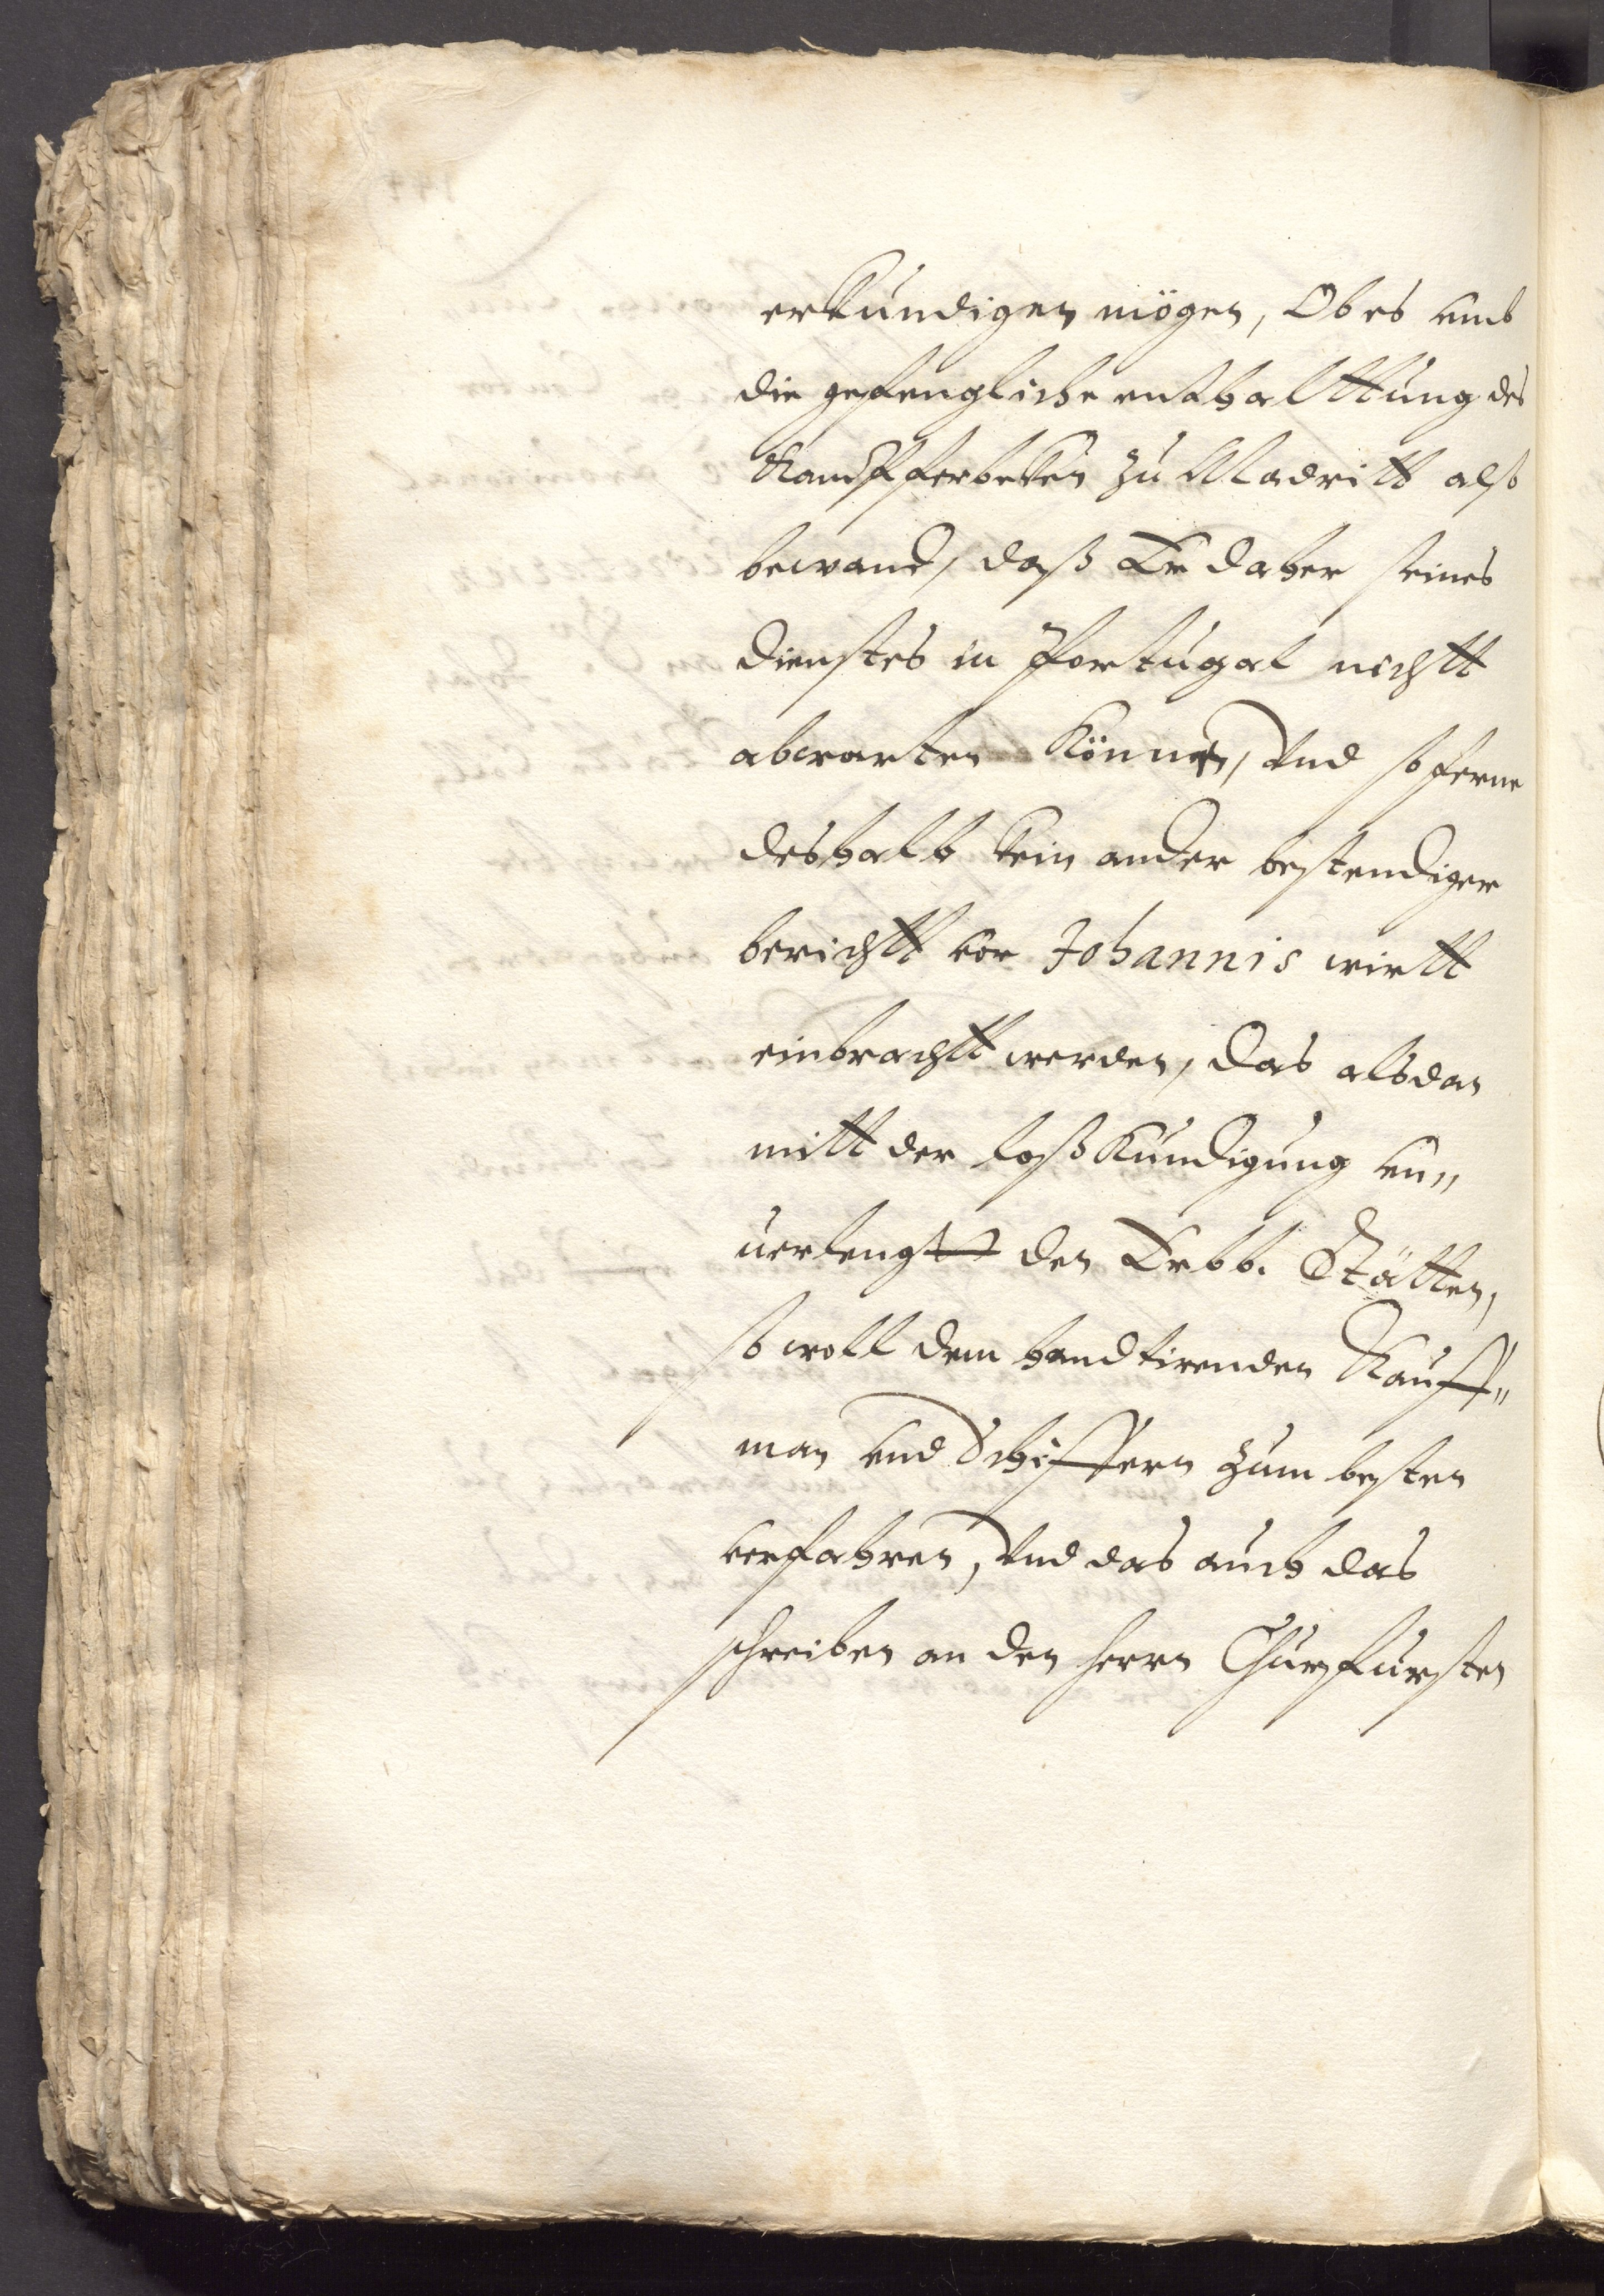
erkundigen mögen, Ob es vmb
die gefengliche enthalttung des
Kampferbeken zu Madritt als
bewand, daß Er daher seines
dienstes in Portugal nichtt
abwarten können, vnd so ferne
deshalb kein ander bestendiger
berichtt vor Johannis wirtt
einbrachtt werden, das alsdan
mitt der loßkundigung vn¬
uerlengtt den Erbb. Stätten,
so woll dem handtirenden Kauff¬
man vnd Schiffern zum besten
verfahren, vnd das auch das
schreiben an den herrn Churfursten
